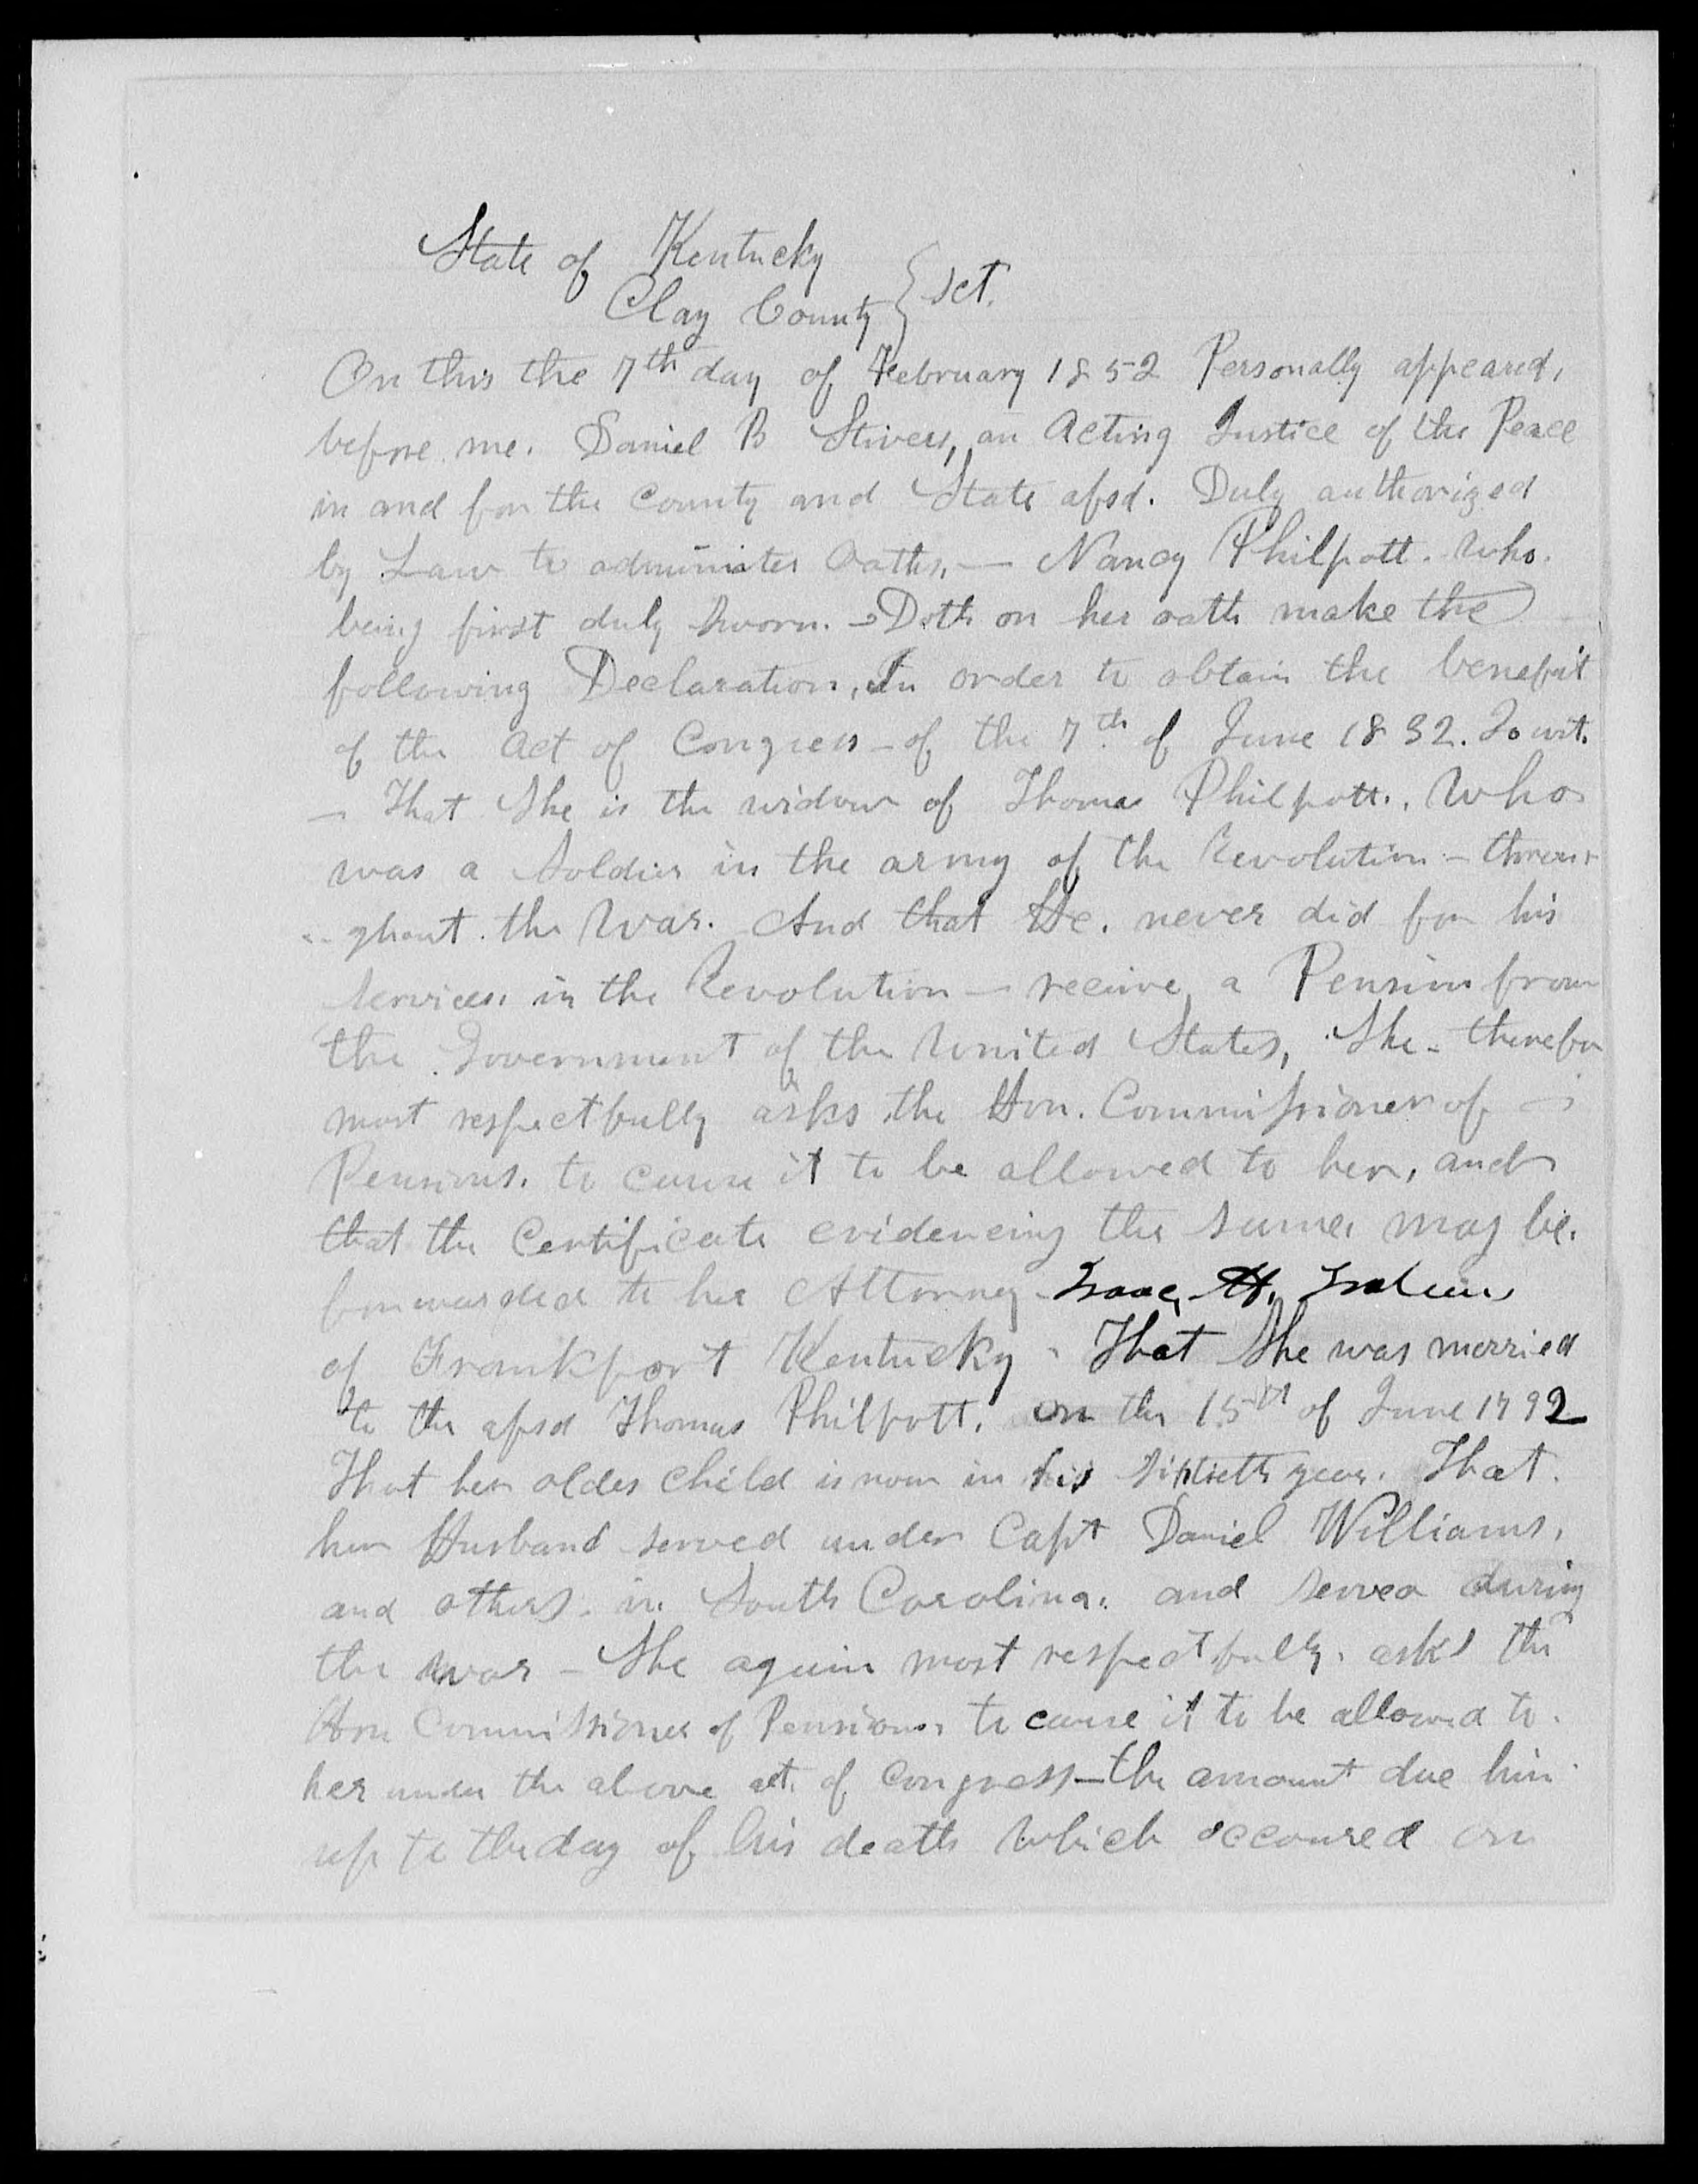State of Kentucky Clay County
On this the 7th day of February 1852 Personally appeared before me, Daniel B Stivers an acting Justice of the Peace in and for the County and State afsd. duly authorized by Law to administer Oaths, Nancy Philpott, who being first duly sworn, doth on her oath make the following Declaration, in order to obtain the benefit of the act of Congress of the 7th of June 1832 to wit
That she is the widow of Thomas Philpott, who was a soldier in the army of the Revolution- throughout
the war. And that he never did for his
services in the Revolution - receive a Pension from the Government of the United States, she therefore most respectfully asks the Hon Commissioner of Pensions, to cause it to be allowed to her, and that the certificate evidencing the same may be forwarded to her Attorney Isaac H. Tralieu of Frankfort Kentucky. That she was married to the afsd Thomas Philpott, on the 15th of June 1792
That her older child is now in his sixtieth year. That her Husband served under Capt Daniel Williams,
and others in South Carolina, and served during the war- she again most respectfully, asks the Hon  Commissioner of Pensions to cause it to be allowed to her under the above act of Congress the amount due him up to the day of his death which occurred on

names: Daniel Williams; Daniel B Stivers; Nancy Philpott; Thomas Philpott; Isaac H Trabue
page: 2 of 43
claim: rejected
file: R. 8217, for Thomas Philpot, South Carolina